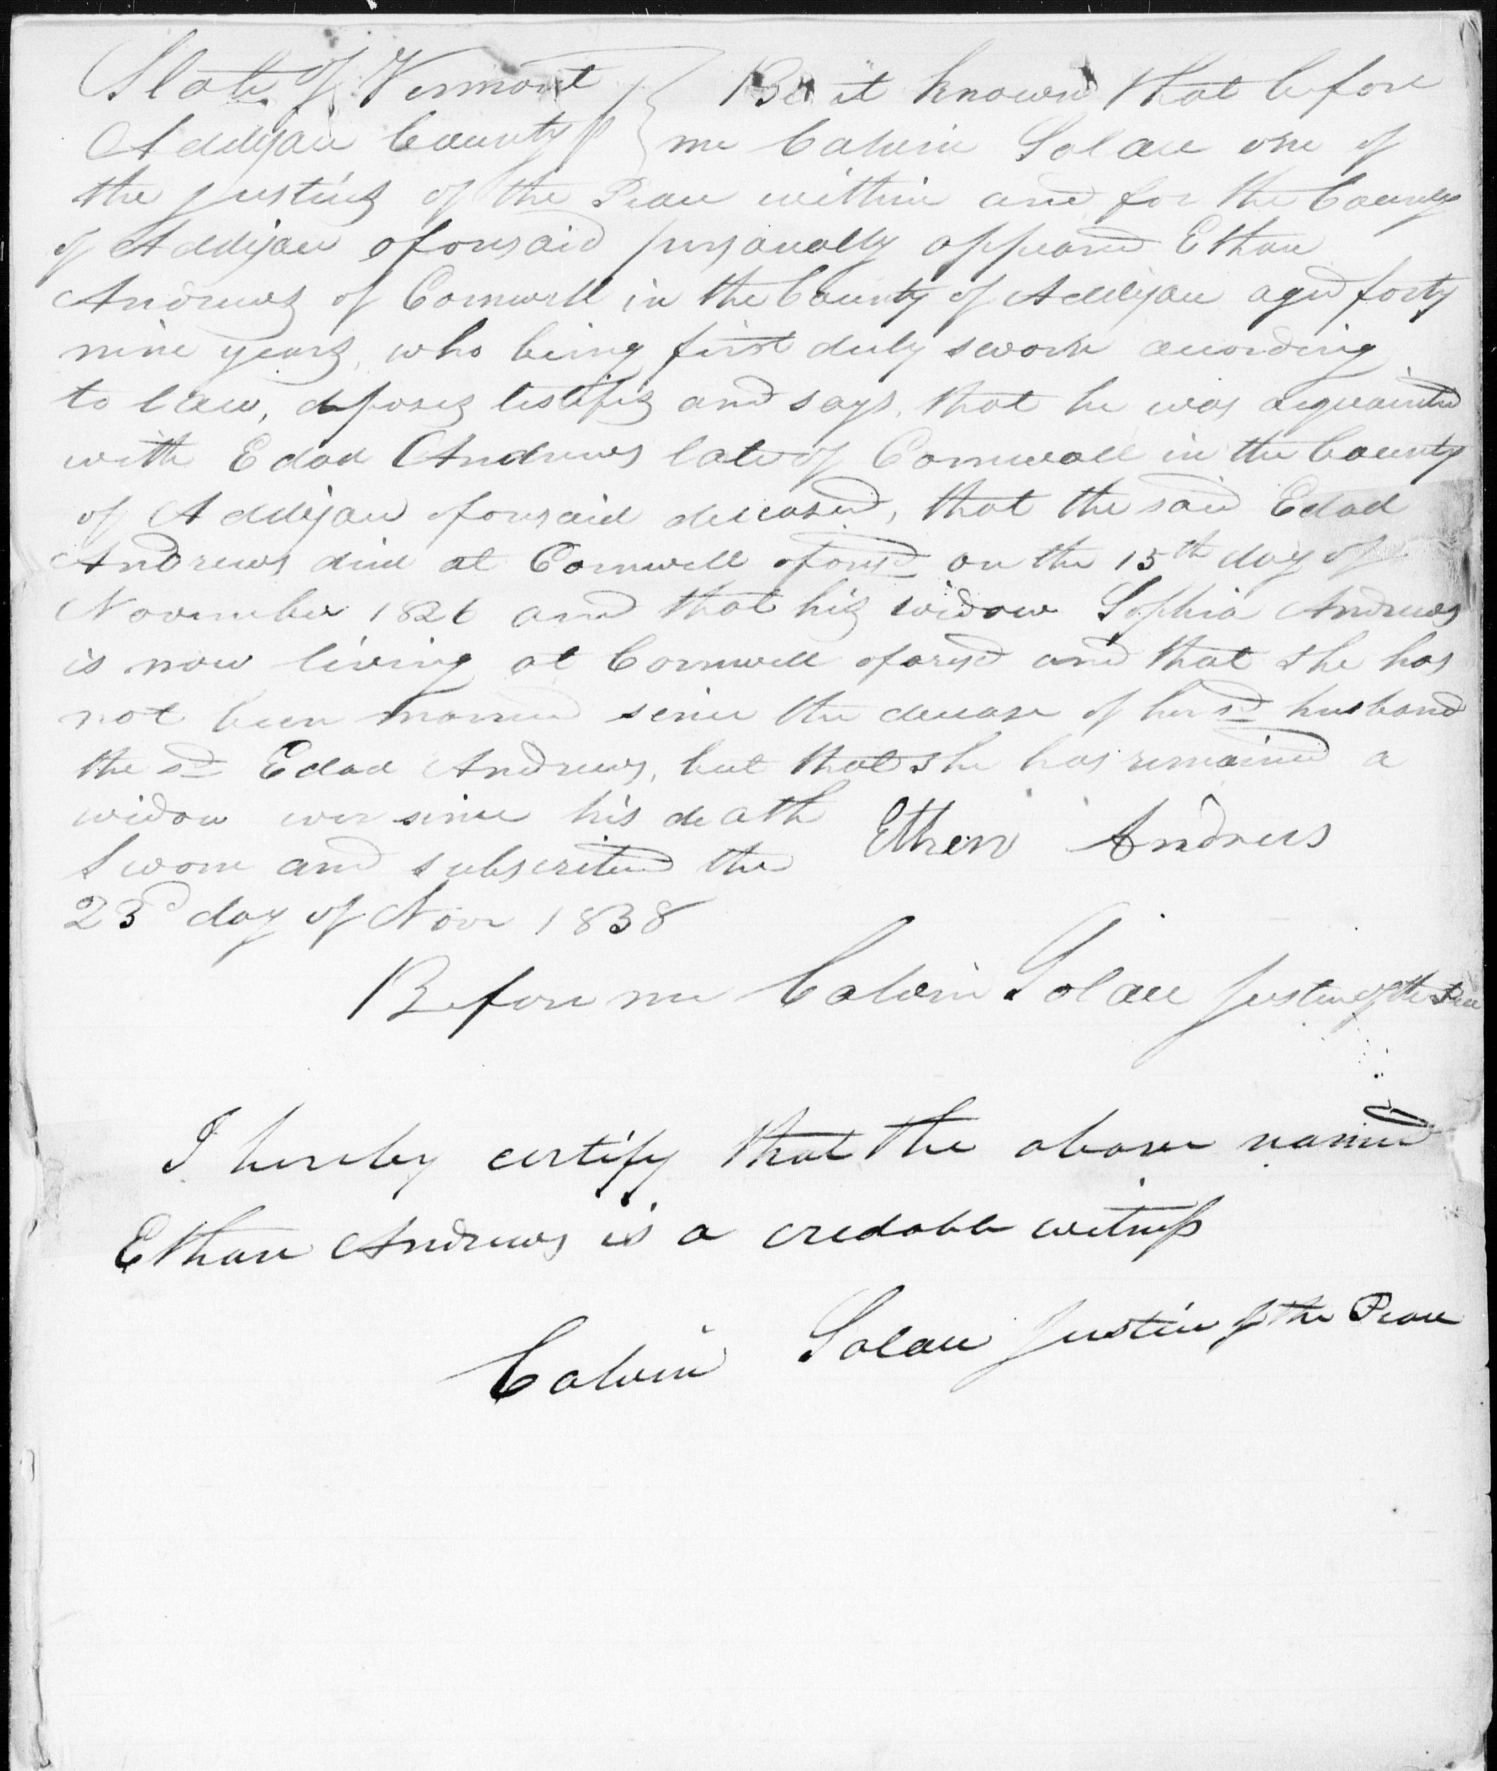State of Vermont}
Addison County ss}

Be it known that before me Calvin Solan one of the Justices of the Peace within and for the County of Addison aforesaid personally appeared Ethan Andrews of Cornwall in the County of Addison aged forty nine years, who being first duly sworn according to law, deposes testify and says, that he was acquainted with Eldad Andrews late of Cornwall in the County of Addison aforesaid deceased, that the said Ethan Andrews died at Cornwell afores on the 15th day of November 1826 and that his widow Sophia Andrews is now living at Cornwall aforesaid and that she has not been married since the decease of her husband
the Eldad Andrews, but that she has remained a
widow ever since his death.

Sworn and subscribed the Ethan Andrews
23d day of Nov 1838
Before me Calvin Solan fasting the I hereby certify that the above named Ethan Andrews is a credible witness.
Calvin Solan Justice of the Peace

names: Sophia Andrews, Edad Andrews, Edad Andrews, Ethan Andrews, Calvin Solan, Ethen Andrus, Edad Andrews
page: 20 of 27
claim: rejected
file: R. 223, Eldad Andrus, Vt.